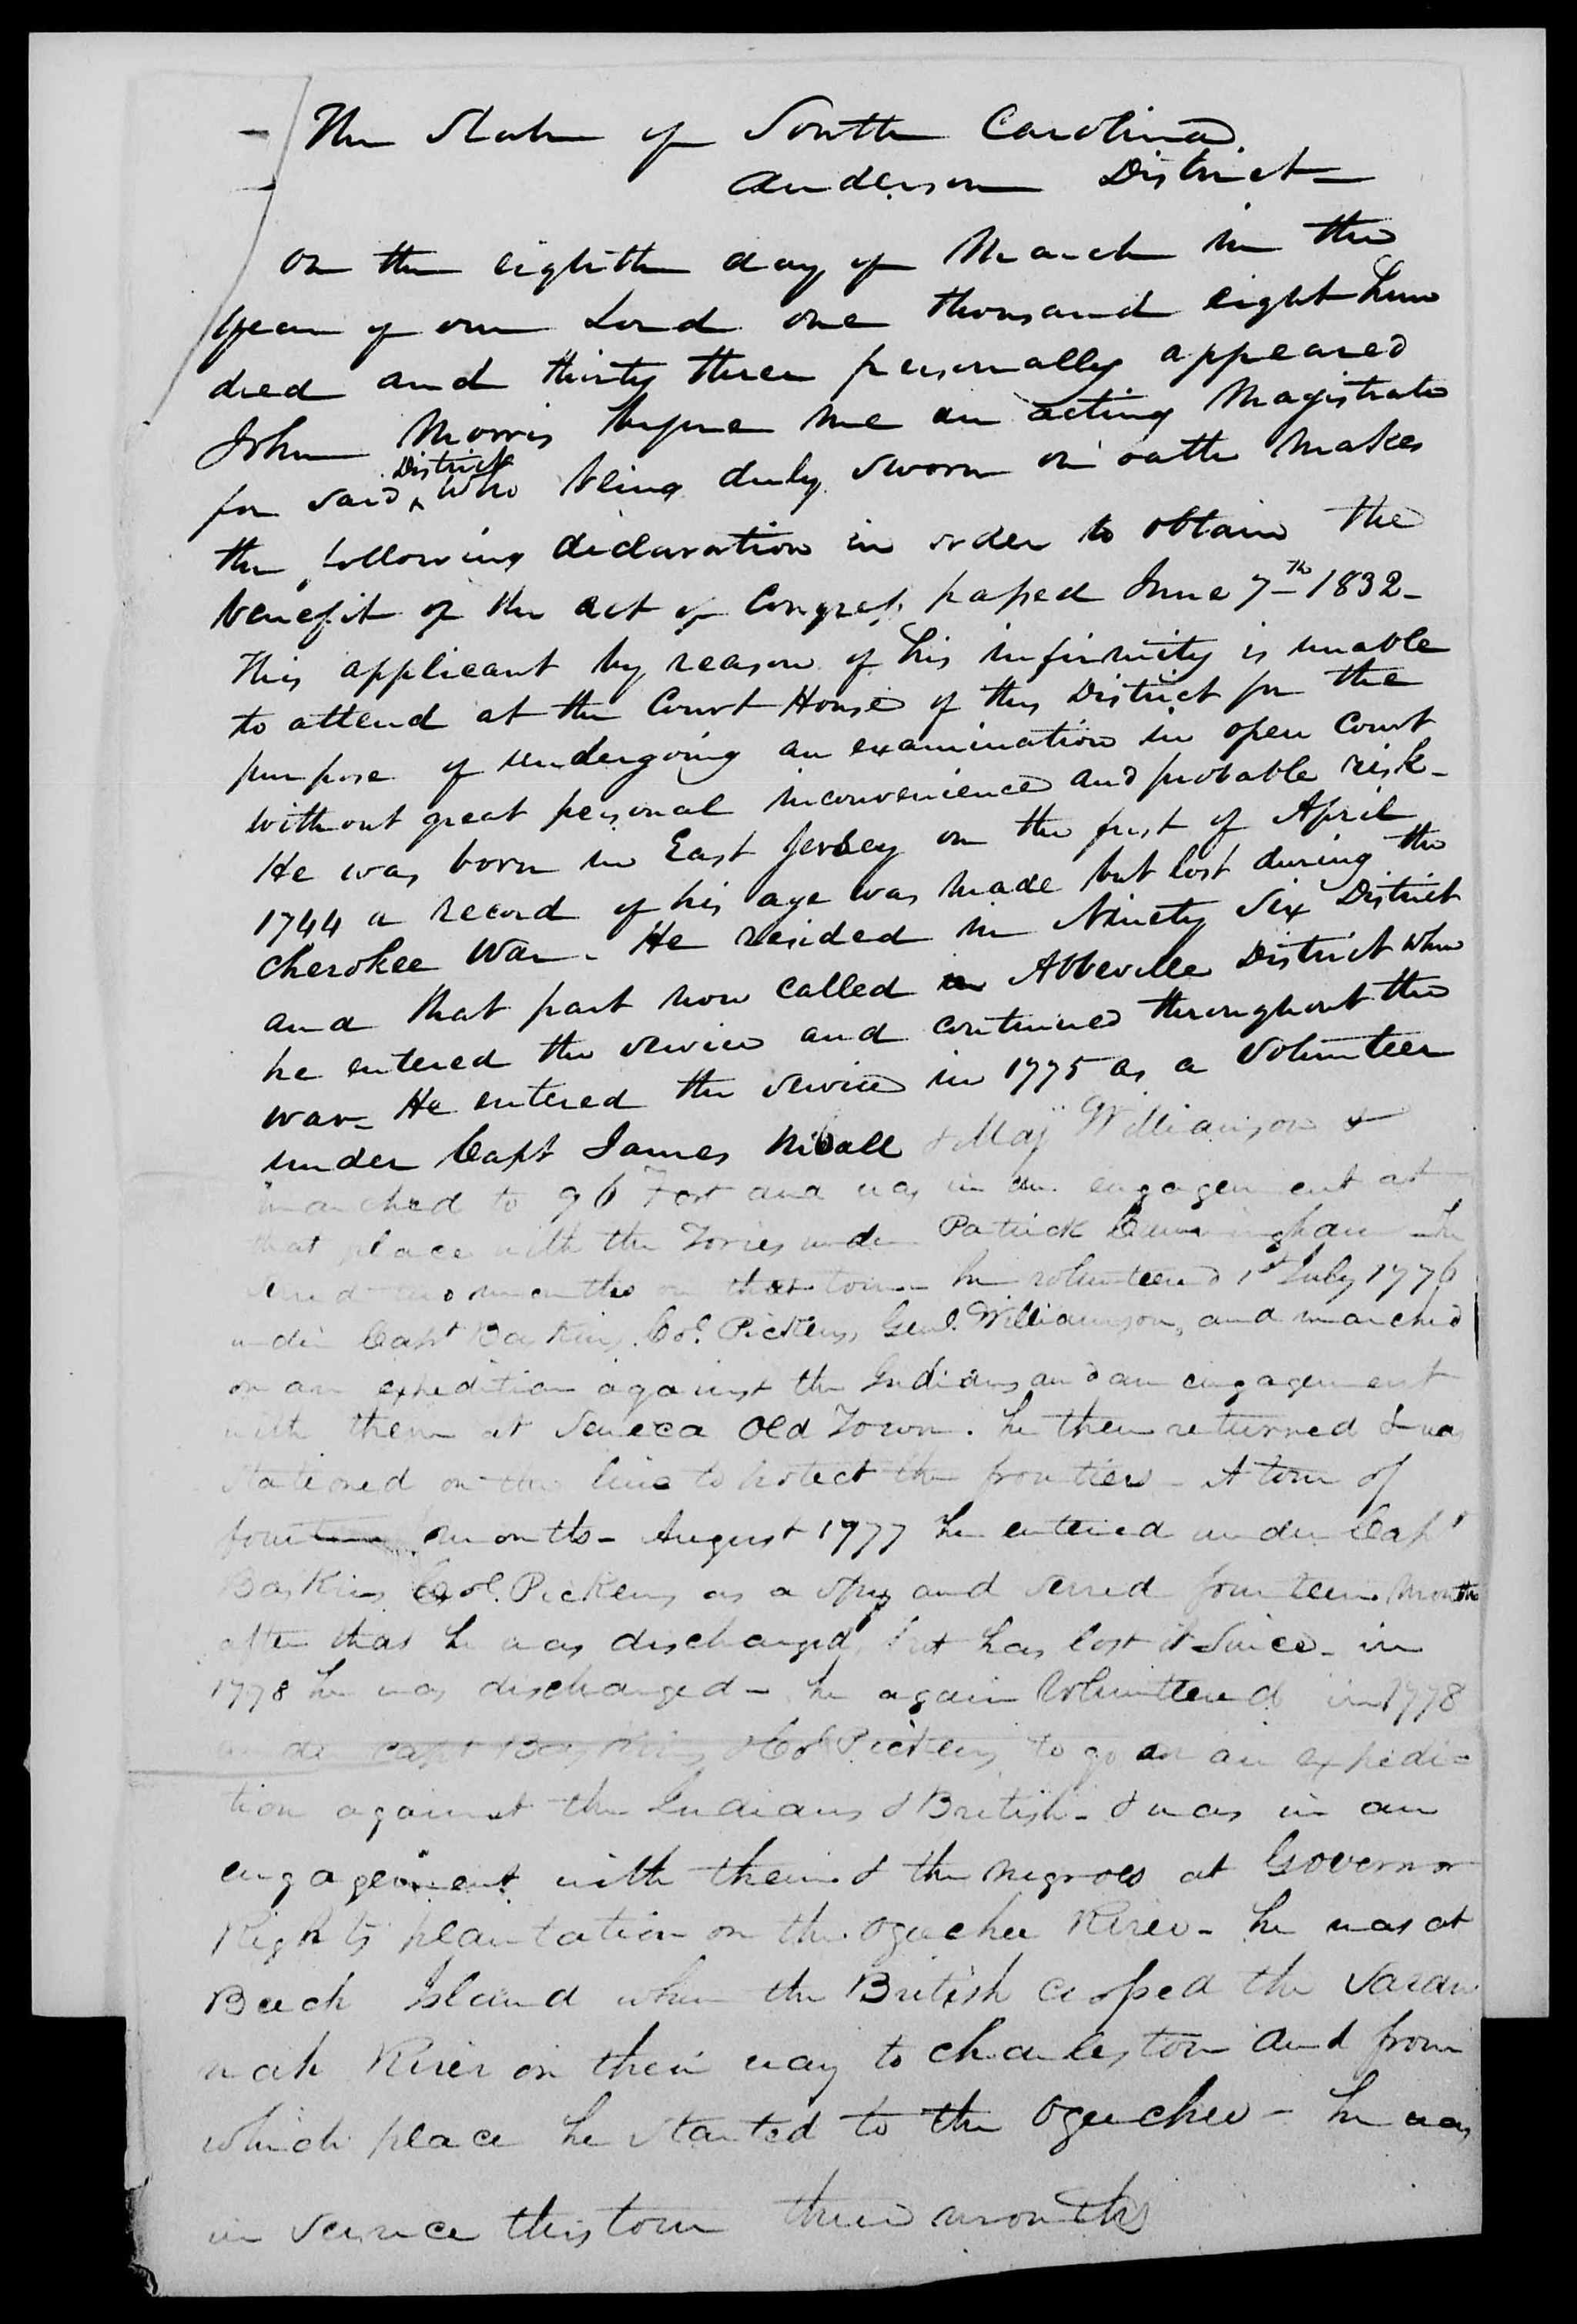The State of South Carolina
Anderson District
on the eighth day of March
the year of our Lord one
thousand eight hundred and thirty three personally appeared John Morris before me an acting Magistrate for said district who being duly sworn on oath makes
the following declaration in order to obtain the benefit of the act of Congress passed June 7th 1832.
This applicant by reason of his infirmity is unable to attend at the Court House of this District for the purpose of undergoing an examination in open Court without great personal inconvenience and probable risk
He was born in East Jersey on the first of April 1744 a record of his age was made but lost during Cherokee war. He resided in Ninety Six District and that part now called  Abbeville District when he entered the service and continued throughout the
war he entered the service in 1775 as a volunteer under Capt James McCall & Major [Andrew] Williamson &
marched to 96 Fort and was in the engagement at that place with the Tories under [Captain] Patrick Cunningham. he served 2 months on that tour -- he volunteered first
July 1776 under Captain Baskins [William Baskin], Colonel Pickens [Andrew Pickens], General Williamson and marched on an expedition against the Indians and an engagement with them at Seneca Old Town .  He then returned & was stationed on the line to protect the
frontiers -- A tour of 4 months -- August 1777 he entered under Captain Baskin, Colonel Pickens as a spy and served 14 months after that he was discharged but has lost it since -- in 1778 he was discharged -- he again volunteered in 1778 under Captain Baskin & Colonel Pickens to go on an expedition against the Indians & British -- & was in an engagement with them & the Negroes at Governor Wright's plantation on the Ogeechee River -- he was at Buck
Island when the British crossed the Savannah River on their way to Charleston and from which place he started to the Ogeechee -- he was in service this tour 3 months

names: [BLANK] Williamson; John Morris; James Mc Call; Patrick Cunningham; [BLANK] Pickens; [BLANK] Baskins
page: 2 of 20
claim: rejected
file: R. 7407, for John Morriss, South Carolina